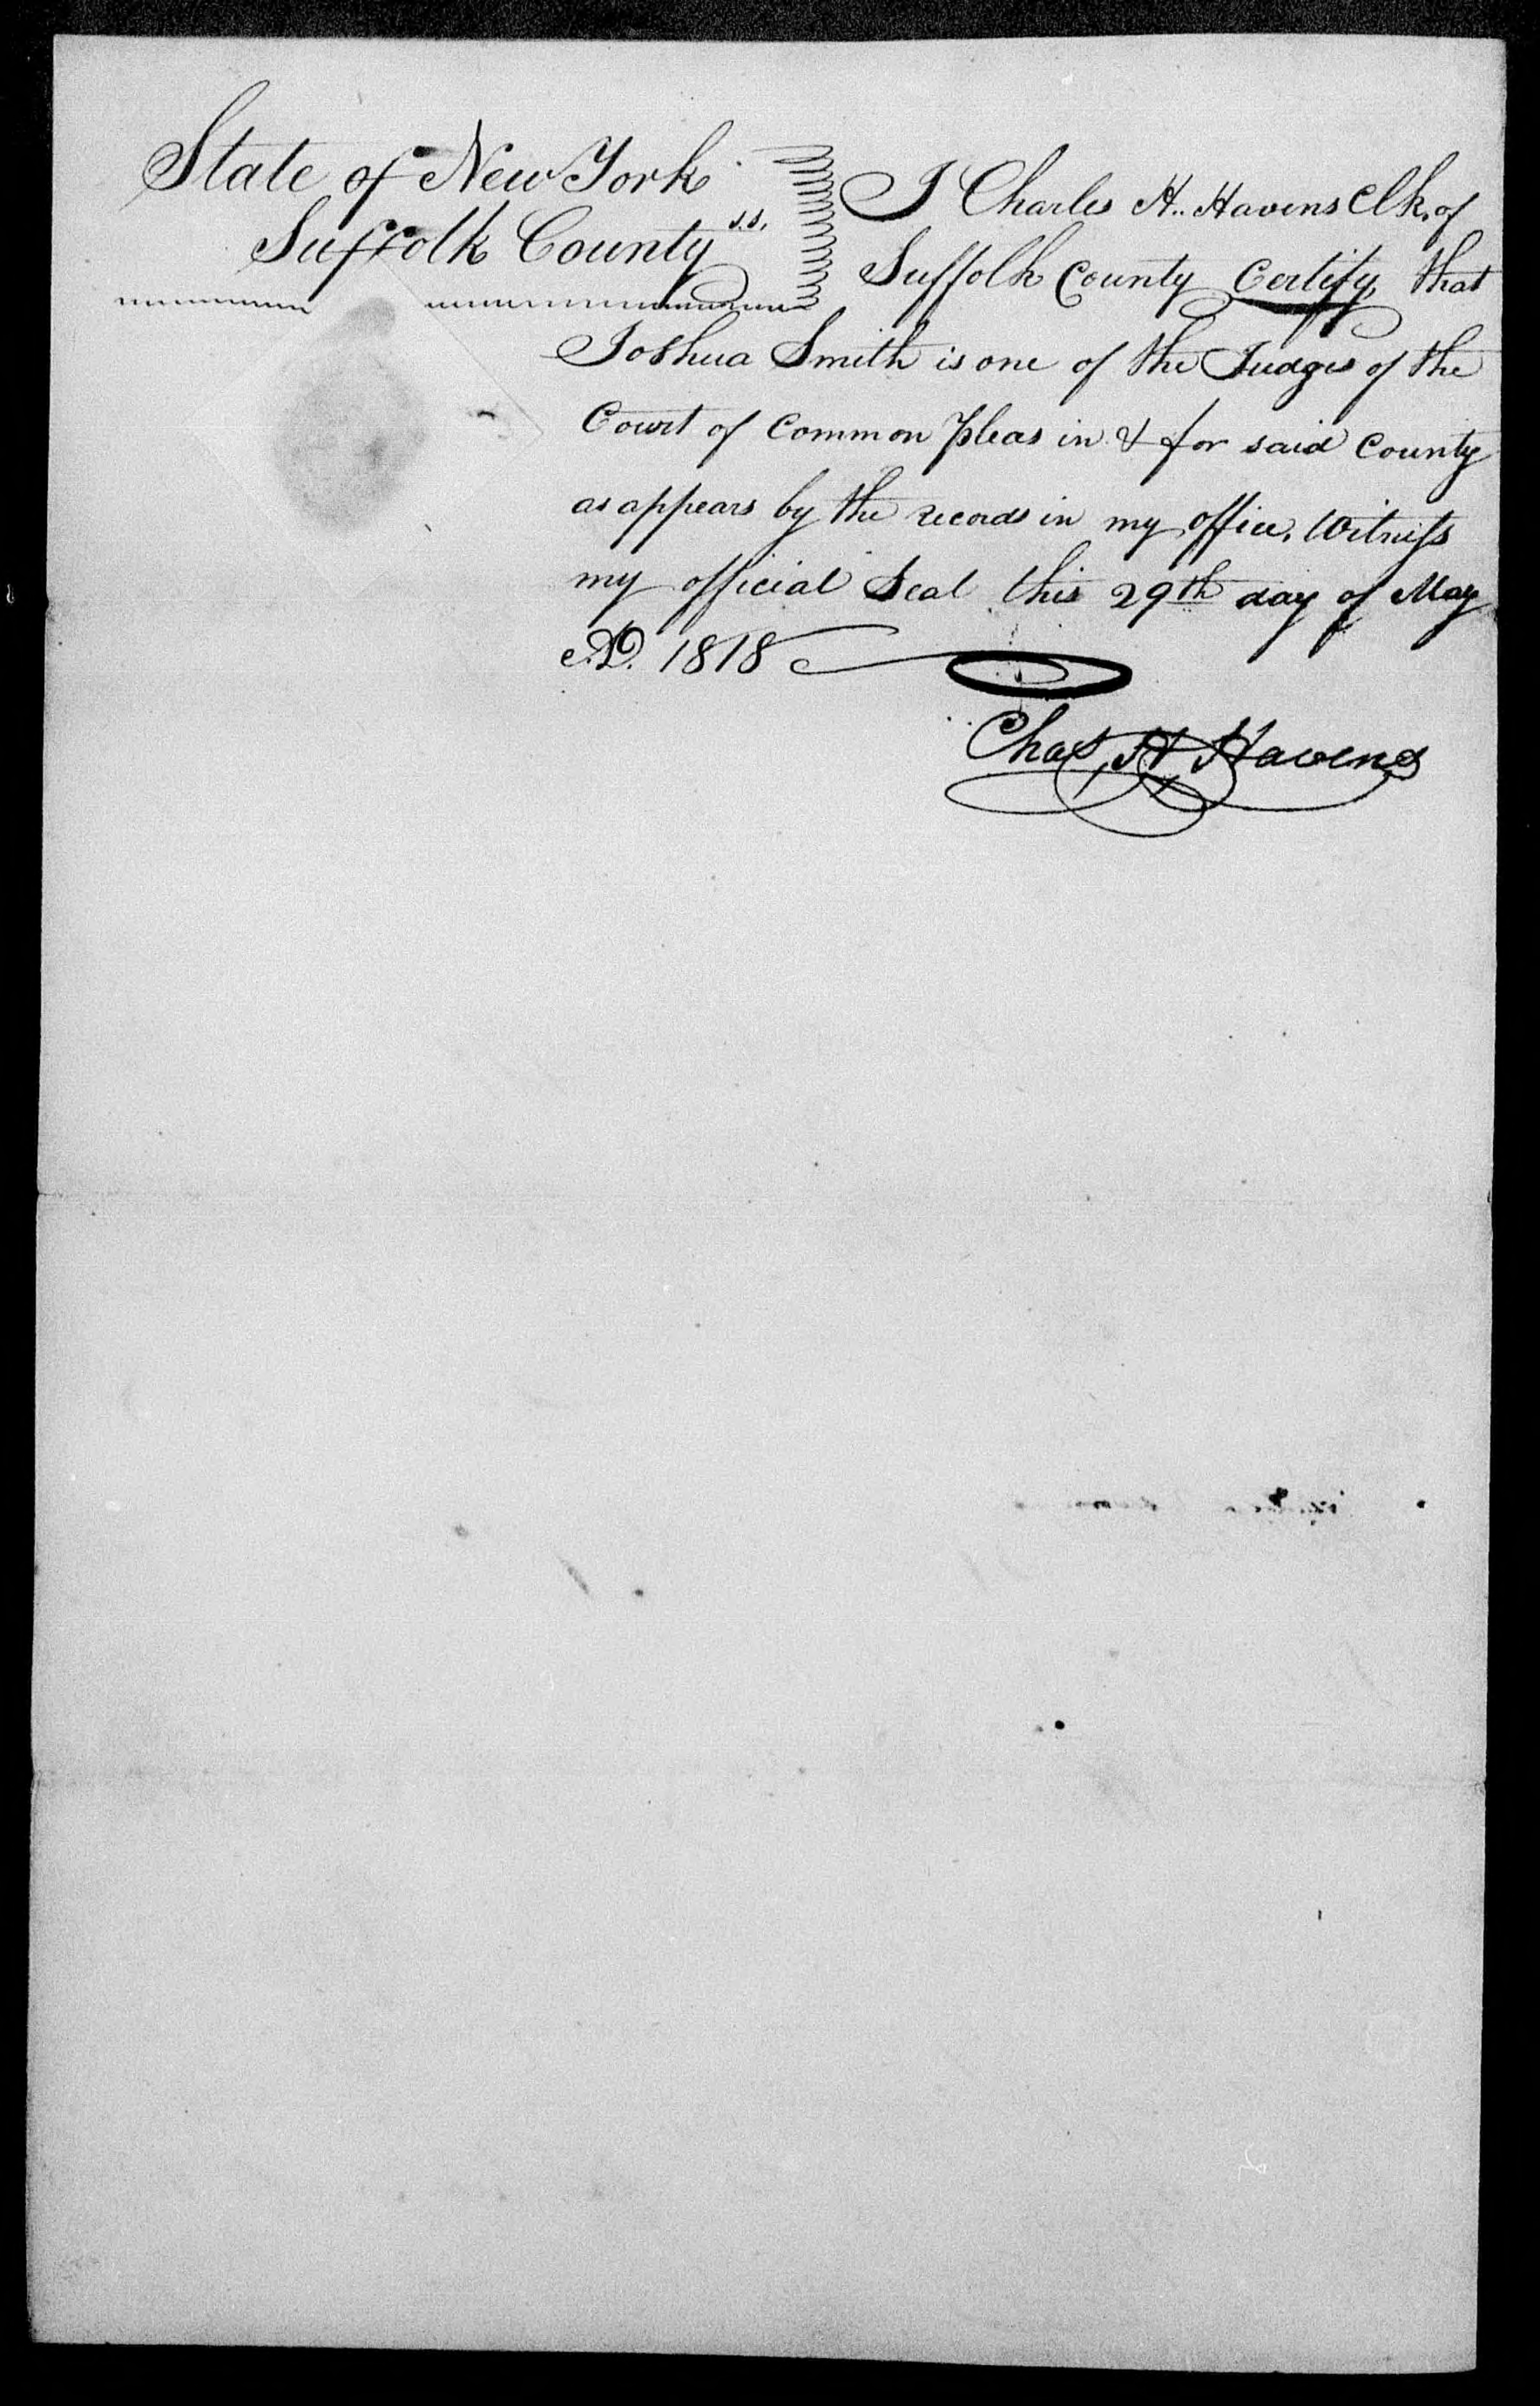State of New York | I Charles H Havens Clk of
Suffolk County ss. | Suffolk County Certify, [underlined] that Joshua Smith is one of the Judges of the Court of Common Pleas in & for said County as appears by the Records in my office, Witness my official Seal this 29th day of May AD. 1818 ~
Chas, H, Havens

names: Chas H Havens, Joshua Smith, Charles H Havens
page: 27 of 28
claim: survivor's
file: S. 12569, Joseph Cone, Conn Continental